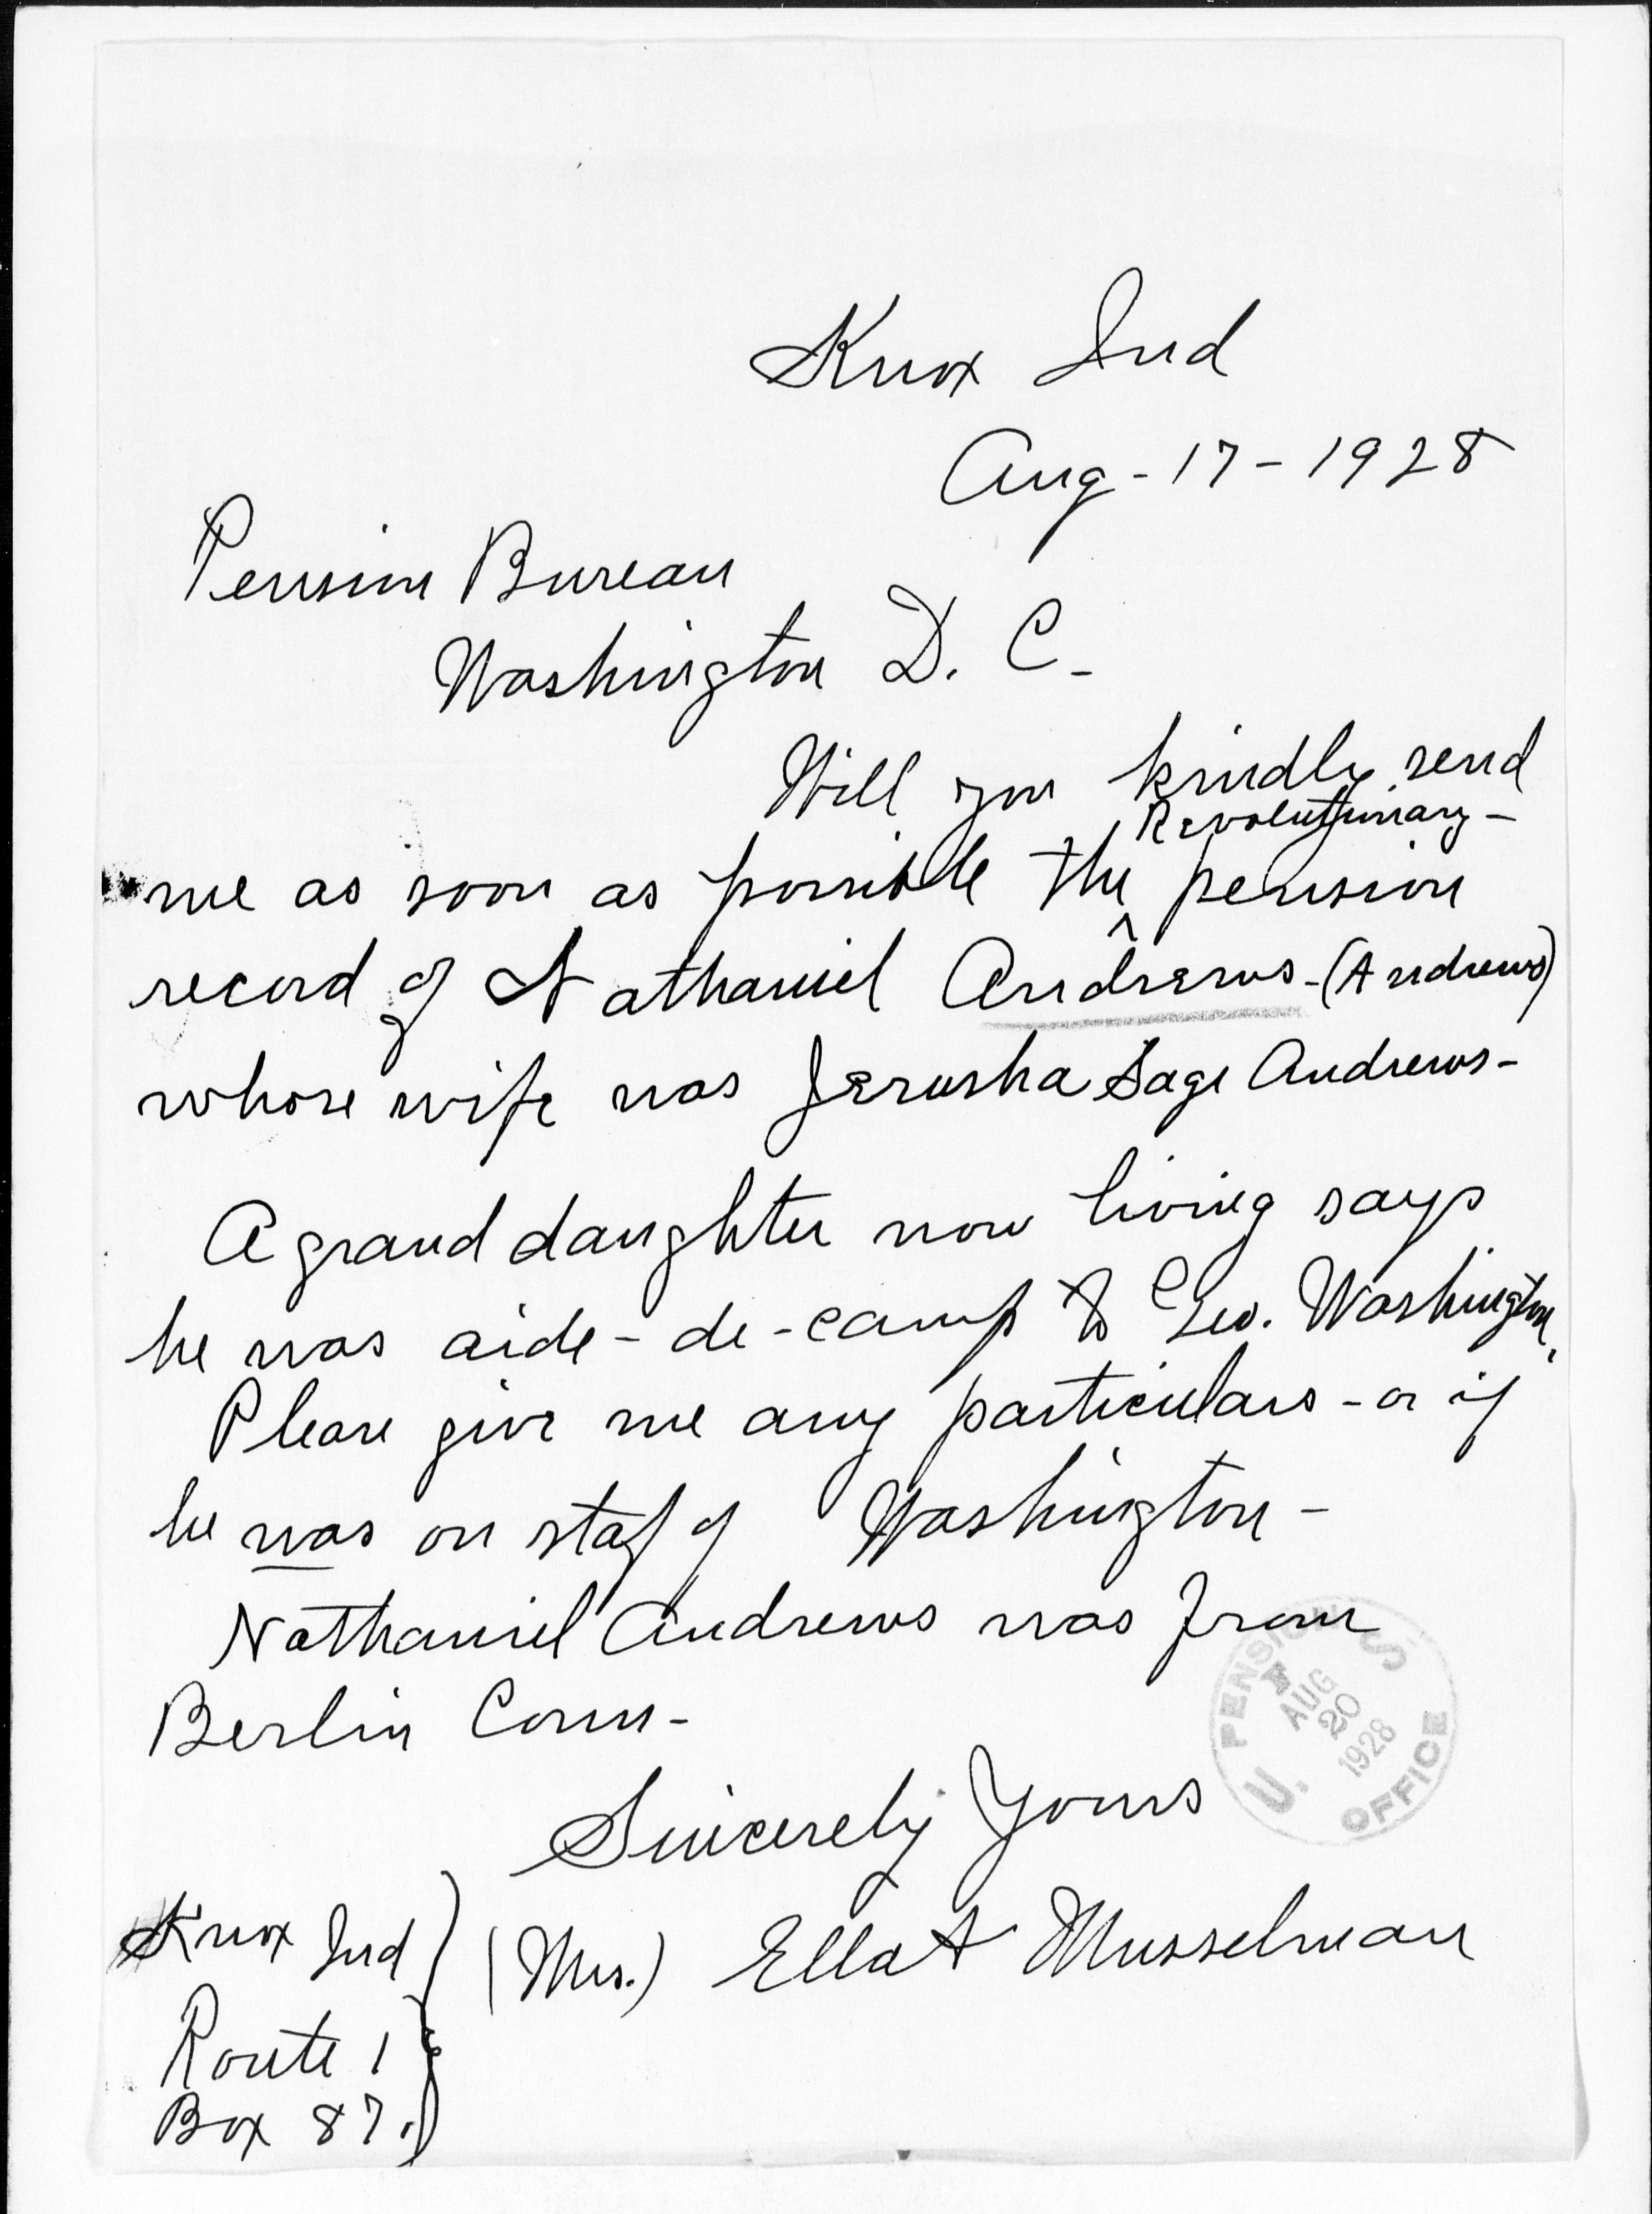Knox Ind
Aug. 17 - 1928
Pension Bureau
Washington D. C.
Will you kindly send
me as soon as possible the Revolutionary pension
record of Nathaniel Andrews
whose wife was Jerusha Sage Andrews
A grand daughter now living says
he was aid-de-camp to Geo. Washington.
Please give me any particulars or if
he was on staf of Washington.
Nathaniel Andrews was from
Berlin Conn.
Sincerely yours
(Mrs) Ella A Musselman
Knox Ind
Route 1
Box 87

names: Nathaniel Andrews, Nathaniel Andrews, Jerusha Sage Andrews, Ella A Musselman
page: 67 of 78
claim: widow's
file: W. 4117, Nathaniel Bradley, Conn.